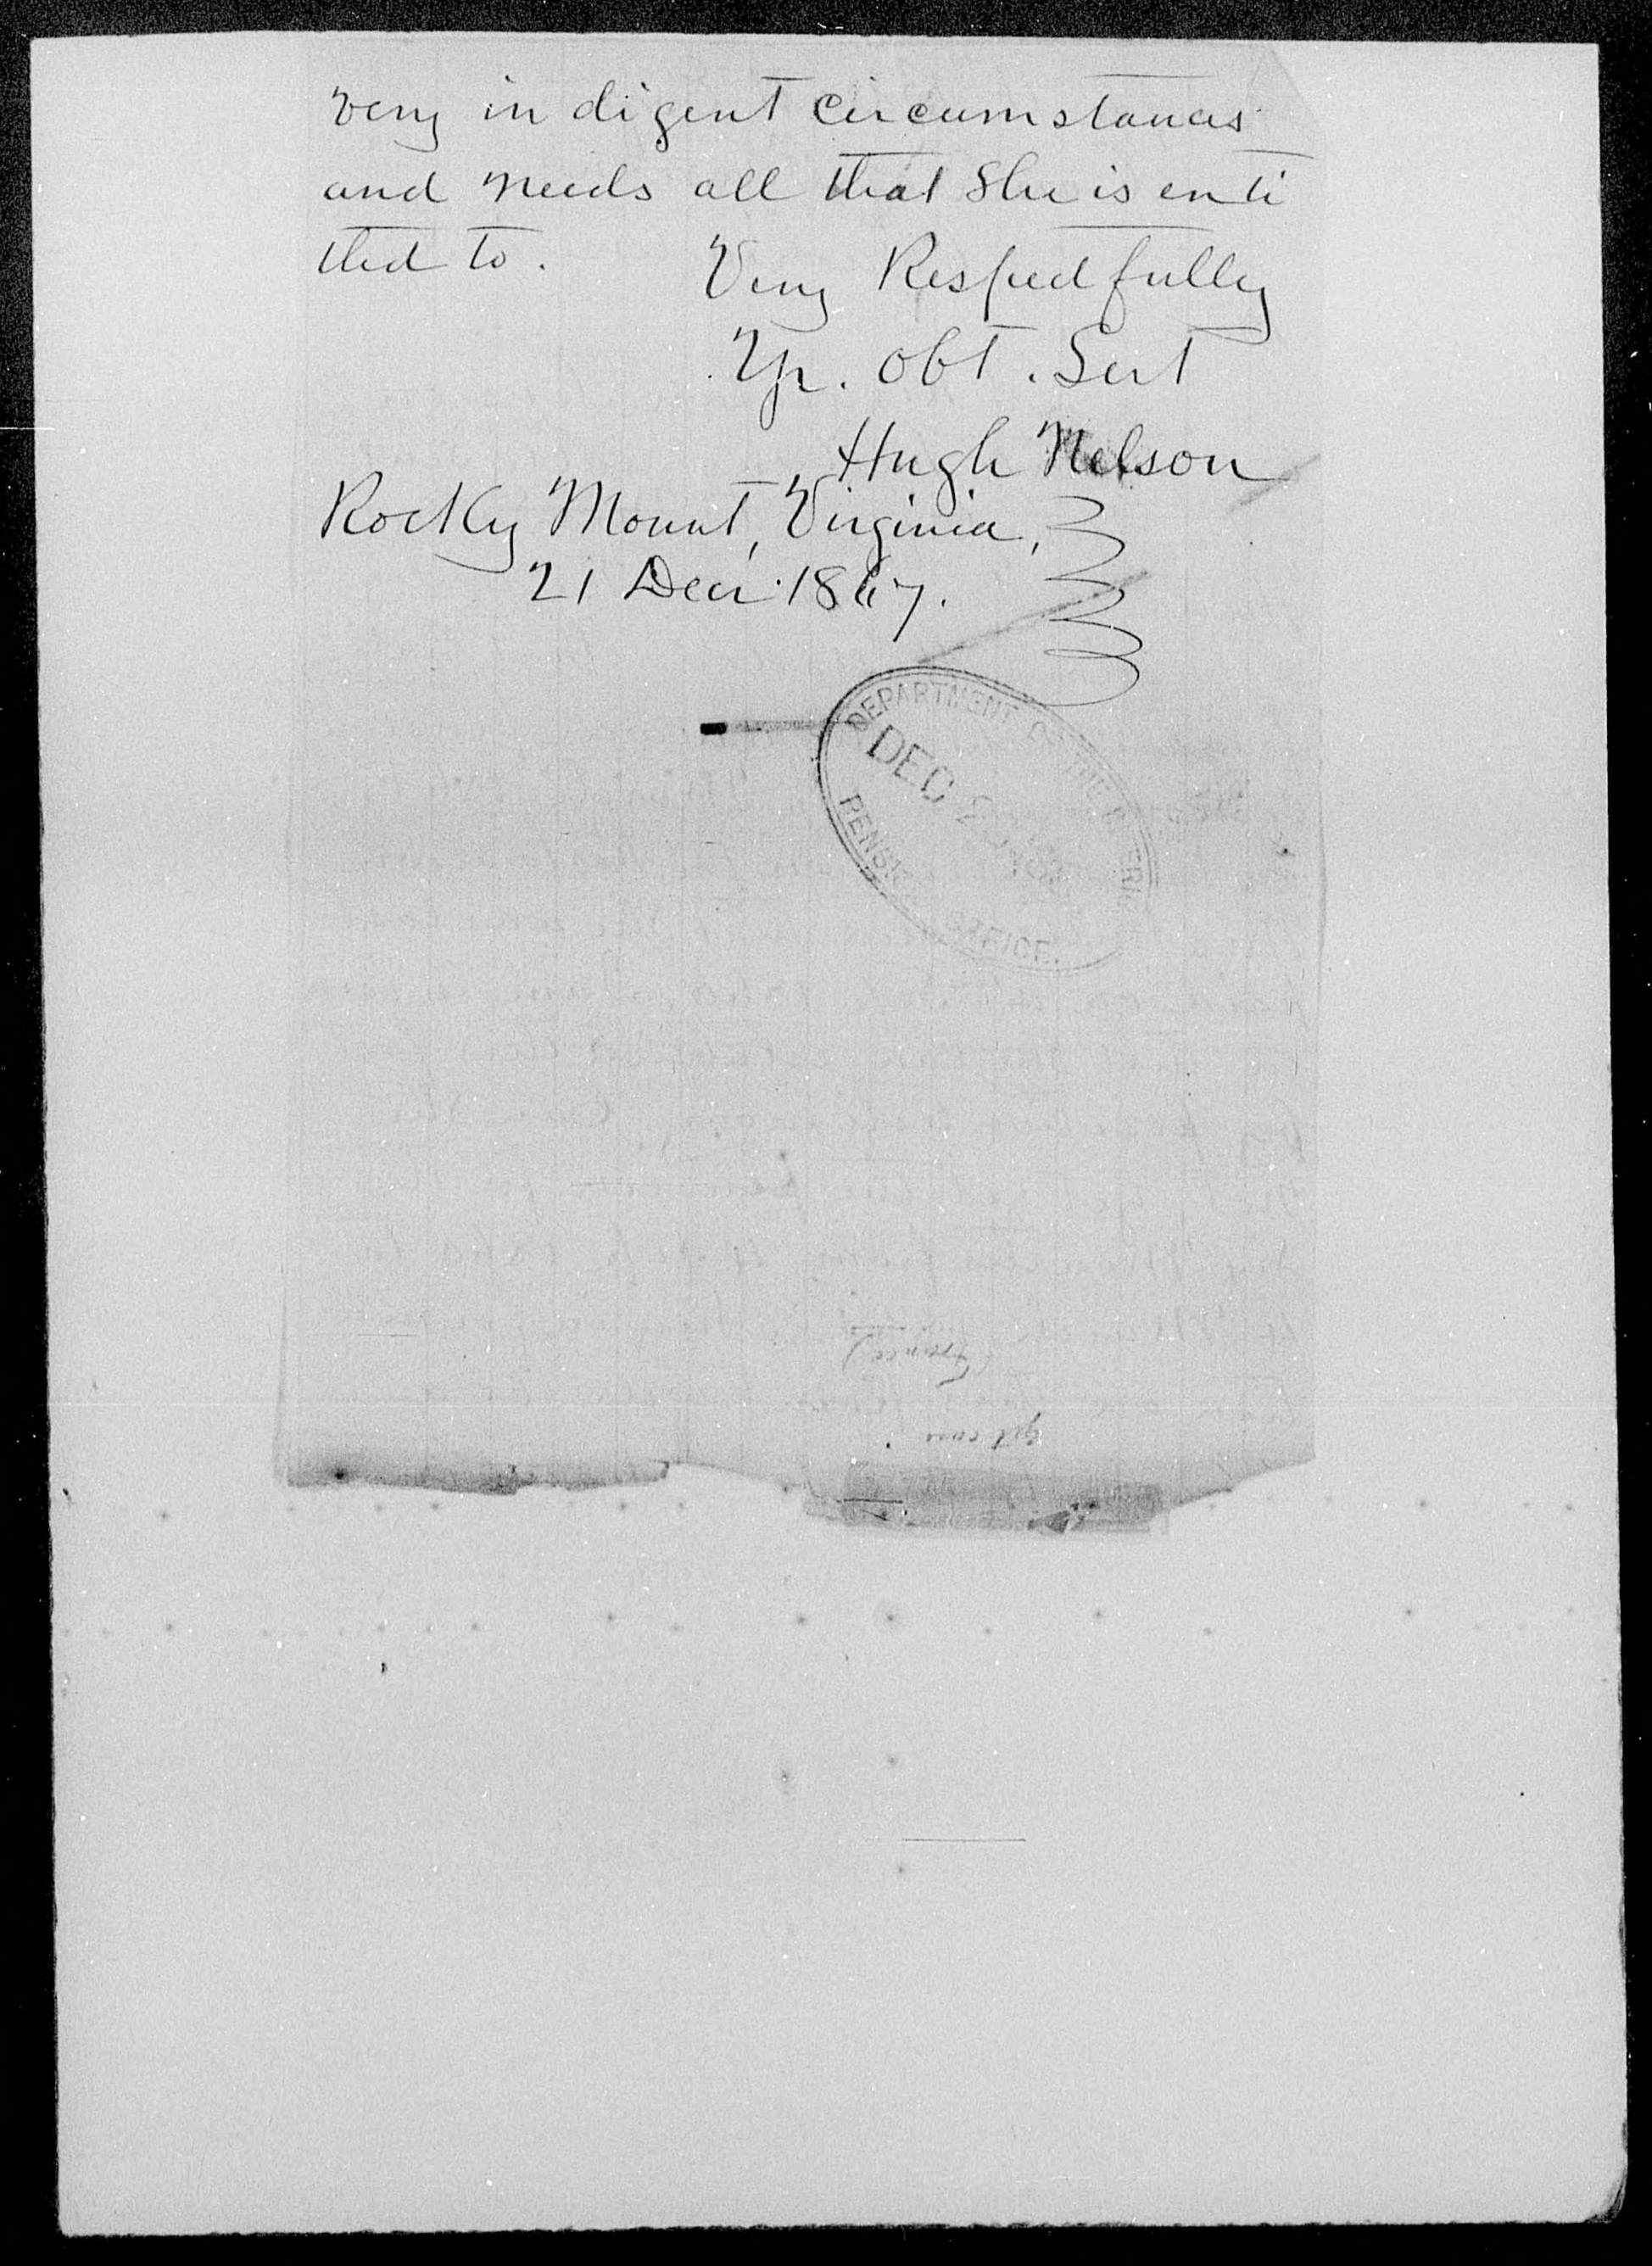very in [digent?] circumstances and needs all that she is entitled to.
Very Respectfully
Yr. obt. Sert. [Your Obedient Servant]
Hugh Nelson
Rocky Mount, Virginia
21 Decr. [December] 18[Illegible]7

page: 24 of 33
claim: widow's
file: W. 550, for Leonard Hutts, Virginia